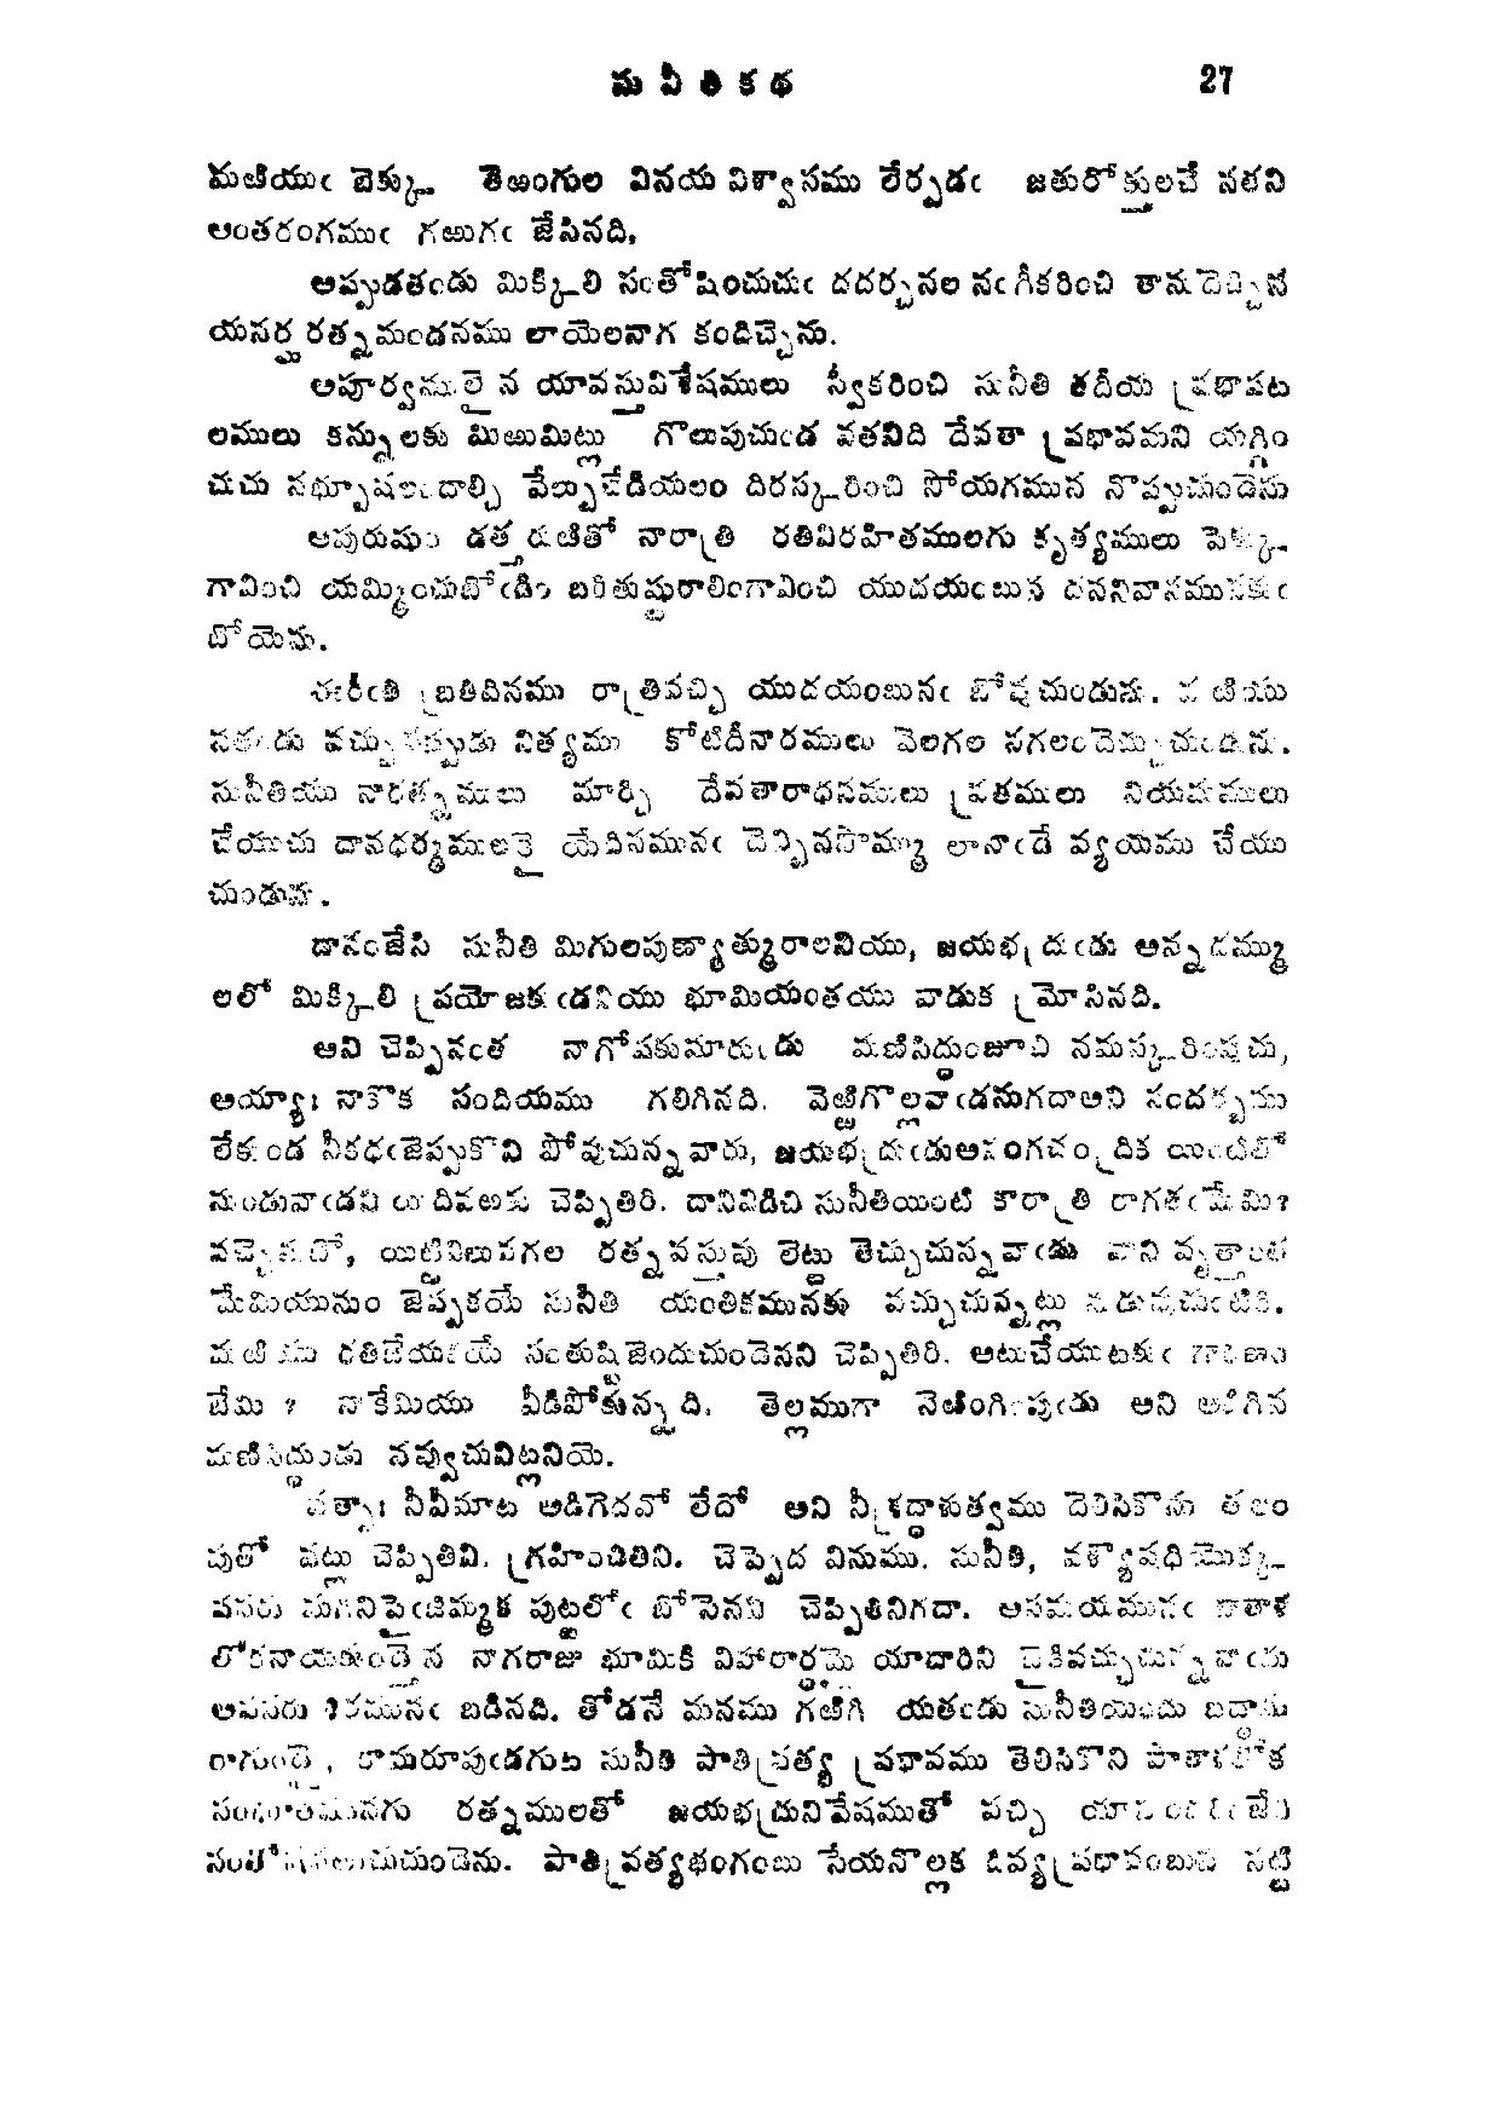మఱియుఁ బెక్కుతెఱంగుల వినయవిశ్వాసము లేర్పడఁ జతురోక్తులచే నతని అంతరంగముఁ గఱుగఁజేసినది.

అప్పు డతండు మిక్కిలి సంతోషించుచుఁ దదర్చనల నంగీకరించి తానుదెచ్చిన యనర్ఘరత్నమండనము లాయెలనాగ కందిచ్చెను.

అపూర్వములైన యావస్తువిశేషములు స్వీకరించి సునీతి తదీయప్రభాపటలములు కన్నులకు మిఱుమిట్లు గొలుపుచుండ నతనిది దేవతాప్రభావమని యగ్గించుచు నభ్బూషలందాల్చి వేల్పుచేడియలం దిరస్కరించి సోయగమున నొప్పుచుండెను.

అపురుషుం డత్తరుఱితో నారాత్రి రతివిరహితములగు కృత్యములు పెక్కు గావించి యమ్మించుబోఁడిం బరితుష్టురాలింగావించి యుదయంబున దననివాసమునకుఁ బోయెను.

ఈరీఁతి బ్రతిదినము రాత్రి వచ్చి యుదయంబునఁ బోవుచుండును. మఱియు నతఁడు వచ్చునప్పుడు నిత్యము కోటిదీనారములు వెలగల నగలందెచ్చుచుండును. సునీతియు నారత్నములు మార్చి దేవతారాధనములు వ్రతములు నియమములు చేయుచు దానధర్మములకై యేదినమునఁ దెచ్చినసొమ్ము లానాఁడే వ్యయము చేయు చుండును.

దానంజేసి సునీతి మిగులపుణ్యాత్మురాలనియు, జయభద్రుఁడు అన్నదమ్ములలో మిక్కిలి ప్రయోజకుఁడనియు భూమియంతయు వాడుక మ్రోసినది.

అని చెప్పినంత నాగోపకుమారుఁడు మణిసిద్ధుంజూచి నమస్కరింపుచు, అయ్యా! నాకొక సందియము గలిగినది. వెఱ్ఱిగొల్లవాఁడనుగదాఅని సందర్బము లేకుండ నీకథఁజెప్పుకొని పోవుచున్న వారు, జయభదుఁడు అనంగచంద్రిక యింటిలో నుండువాఁడని యిదివఱకు చెప్పితిరి. దాని విడిచి సునీతియింటి కారాత్రి రాగతఁమేమి? వచ్చెనచో, యిట్టివిలువగల రత్నవస్తువు లెట్టు తెచ్చుచున్నవాఁడు వాని వృత్తాంత మేమియునుం జెప్పకయే సునీతి యంతికమునకు వచ్చుచున్నట్లు నుడువుచుంటిరి. మఱియు రతిజేయకయే సంతుష్టి జెందుచుండెనని చెప్పితిరి. అటుచేయుటకుఁ గారణం బేమి? నాకేమియు వీడిపోకున్నది. తెల్లముగా నెఱింగింపుఁడు అని అడిగిన మణిసిద్దుండు నవ్వుచు నిట్లనియె.

వత్సా! నీ వీమాట అడిగెదవో లేదో అని నీ శ్రద్ధాళుత్వము దెలిసికొను తలంపుతో నట్లు చెప్పితివి. గ్రహించితిని. చెప్పెద వినుము. సునీతి వశ్యౌషధియొక్క పసరు మగనిపైఁ జిమ్మక పుట్టలోఁ బోసెనని చెప్పితినిగదా. అసమయమునఁ బాతాళలోకనాయకుండైన నాగరాజు భూమికి విహారార్ధమై యాదారిని బైకివచ్చుచున్నవాఁడు ఆపసరు శిరమునఁ బడినది. తోడనే మనము గఱిగి యతండు సునీతియందు బద్దానురాగుండై, కామరూపుఁడగుట సునీతిపాతివ్రత్య ప్రభావము తెలిసికొని పాతాళలోకసంభూతమునగు రత్నములతో జయభద్రునివేషముతో వచ్చి యాసుందరింజేరి సంతోషబఱుచుచుండెను. పాతివ్రత్యభంగంబు సేయనొల్లక దివ్యప్రభావంబున నట్టి